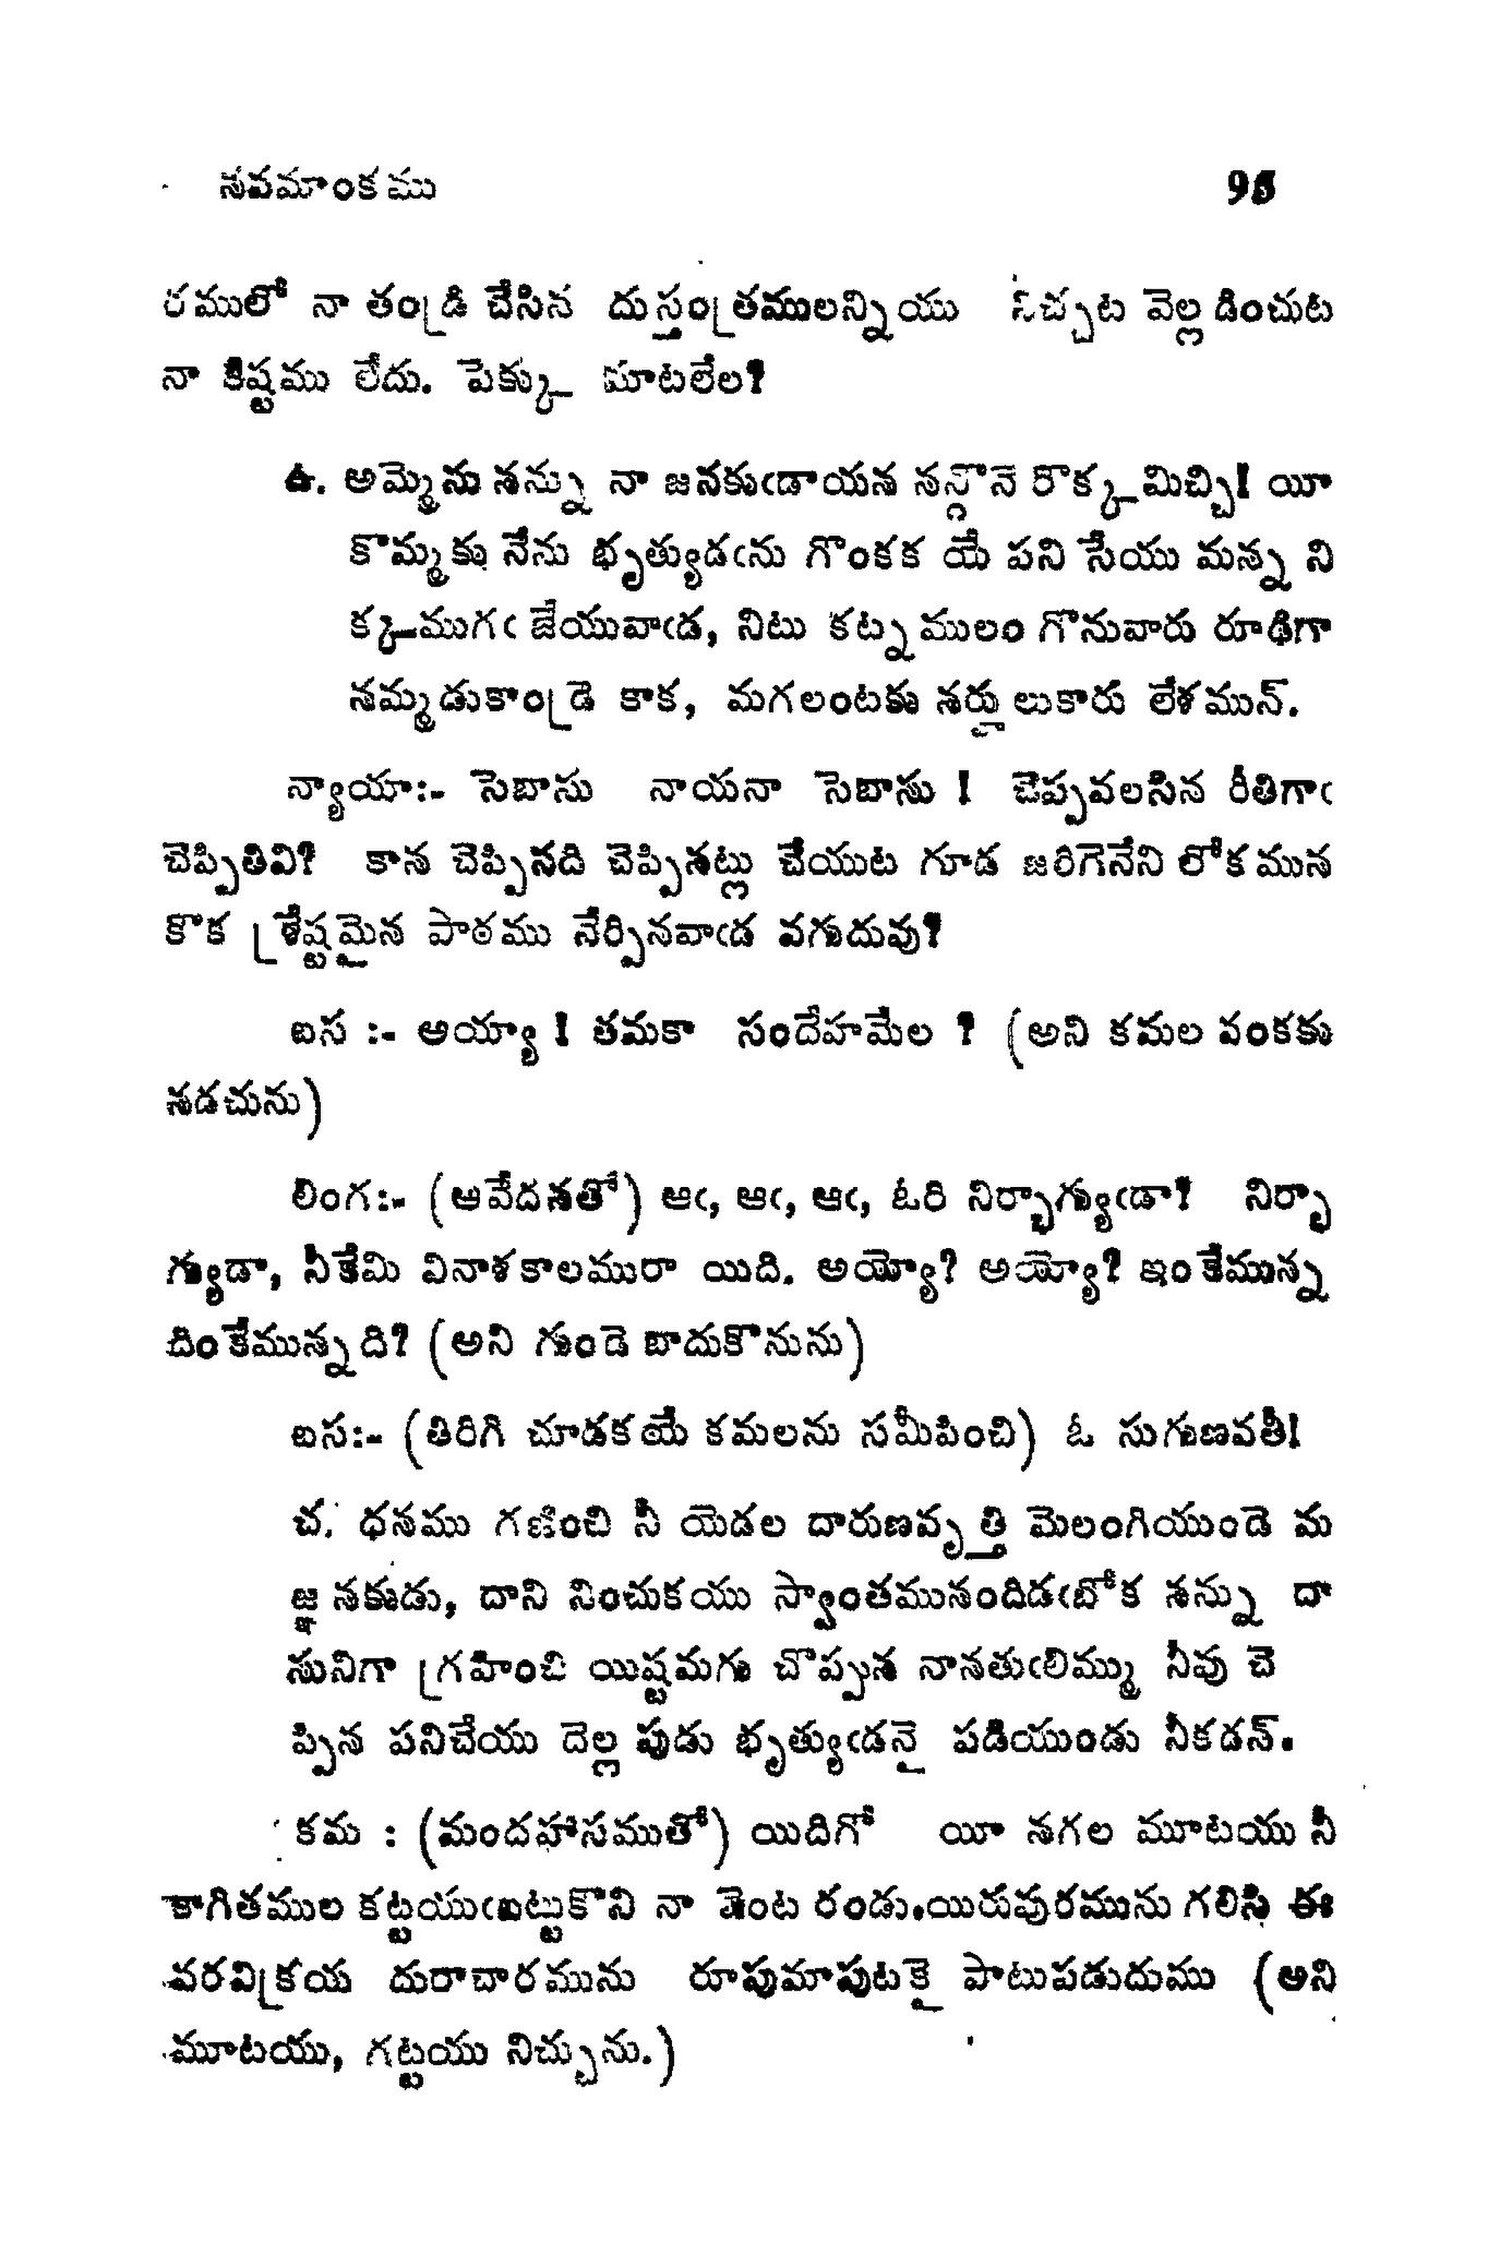రములో నా తండ్రి చేసిన దుస్తంత్రములన్నియు నిచ్చట వెల్లడించుట నా కిష్టము లేదు. పెక్కు మాటలేల?

ఉ. అమ్మెను నన్ను నా జనకుఁడాయన నన్గొనె రొక్కమిచ్చి; యీ
 కొమ్మకు నేను భృత్యుఁడను, గొంకక యే పని సేయు మన్న ని
 క్కముగఁ జేయువాఁడ, నిటు - కట్నములం గొనువారు రూఢిగా
 నమ్మడుకాండ్రె కాక, మగలంటకు నర్హులుకారు లేశమున్‌.
న్యాయా :- సెబాసు నాయనా సెబాసు! చెప్పవలసిన రీతిగాఁ చెప్పితివి! కాన చెప్పినది చెప్పినట్లు చేయుట గూడ జరిగెనేని, లోకమున కొక శ్రేష్ఠమైన పాఠము నేర్పినవాఁడ వగుదువు?

బస :- అయ్యా! తమకా సందేహమేల? (అని కమల వంకకు నడచును.)

లింగ :- (ఆవేదనతో) ఆఁ, ఆఁ, ఆఁ, ఓరి నిర్భాగ్యుఁడా? నిర్భాగ్యుఁడా, నీకేమి వినాశకాలమురా యిది. అయ్యో? అయ్యో? ఇంకేమున్నదింకేమున్నది? (అని గుండె బాదుకొనును.)

బస :- (తిరిగి చూడకయే కమలను సమీపించి) ఓ సుగుణవతీ!

చ. ధనము గణించి నీ యెడల దారుణవృత్తి మెలంగియుండె మ
 జ్జనకుడు, దాని నించుకయు స్వాంతమునందిడఁబోక నన్ను దా
 సునిగ గ్రహించి యిష్టమగు చొప్పున నానతుఁలిమ్ము నీవు చె
 ప్పిన పనిచేయు దెల్ల పుడు భృత్యుఁడనై పడియుండు నీకడన్‌.
కమ :- (మందహాసముతో) ఇదిగో యీ నగల మూటయు నీ కాగితముల కట్టయుఁబట్టుకొని నావెంట రండు. యిరువురమును గలిసి యీ వరవిక్రయ దురాచారమును రూపుమాపుటకై పాటుపడుదుము. (అని మూటయుఁ గట్టయు నిచ్చును.)